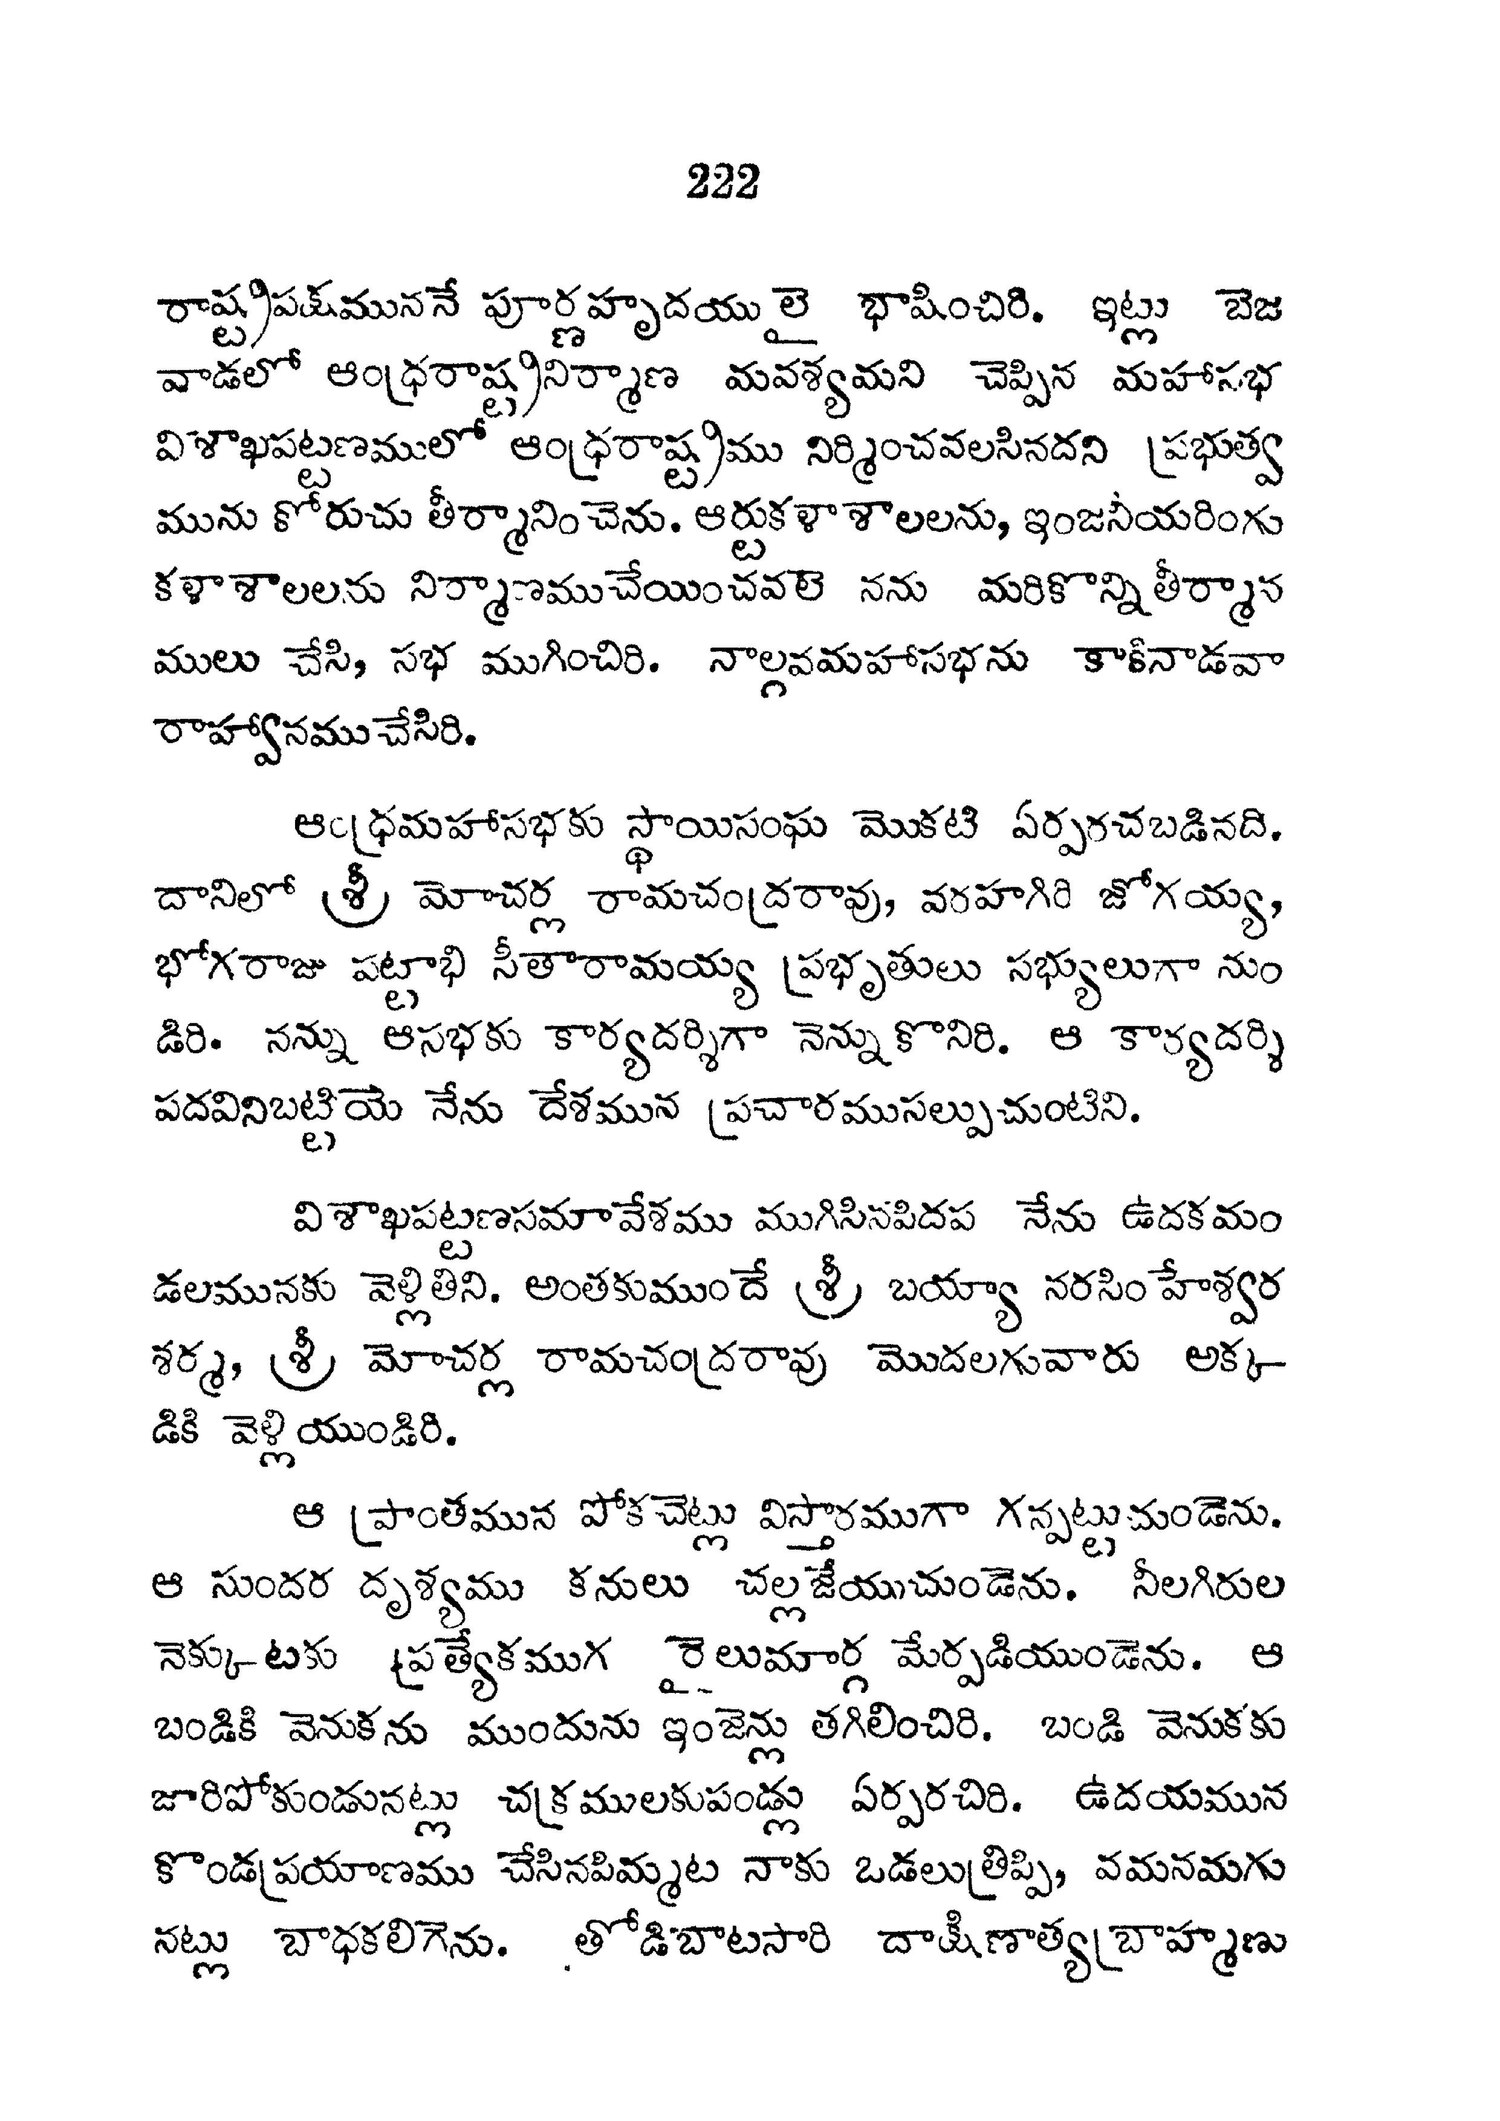రాష్ట్రపక్షముననే పూర్ణహృదయులై భాషించిరి. ఇట్లు బెజవాడలో ఆంధ్రరాష్ట్రనిర్మాణ మవశ్యమని చెప్పిన మహాసభ విశాఖపట్టణములో ఆంధ్రరాష్ట్రము నిర్మించవలసినదని ప్రభుత్వమును కోరుచు తీర్మానించెను. ఆర్టుకళాశాలలను, ఇంజనీయరింగు కళాశాలలను నిర్మాణముచేయించవలె నను మరికొన్నితీర్మానములు చేసి, సభ ముగించిరి. నాల్గవమహాసభను కాకినాడవారాహ్నానముచేసిరి.

ఆంధ్రమహాసభకు స్థాయిసంఘ మొకటి ఏర్పరచబడినది. దానిలో శ్రీ మోచర్ల రామచంద్రరావు, వరహగిరి జోగయ్య, భోగరాజు పట్టాభి సీతారామయ్య ప్రభృతులు సభ్యులుగా నుండిరి. నన్ను ఆసభకు కార్యదర్శిగా నెన్నుకొనిరి. ఆ కార్యదర్శిపదవినిబట్టియే నేను దేశమున ప్రచారముసల్పుచుంటిని.

విశాఖపట్టణసమావేశము ముగిసినపిదప నేను ఉదకమండలమునకు వెళ్లితిని. అంతకుముందే శ్రీ బయ్యా నరసింహేశ్వరశర్మ, శ్రీ మోచర్ల రామచంద్రరావు మొదలగువారు అక్కడికి వెళ్లియుండిరి.

ఆ ప్రాంతమున పోకచెట్లు విస్తారముగా గన్పట్టుచుండెను. ఆ సుందర దృశ్యము కనులు చల్లజేయుచుండెను. నీలగిరుల నెక్కుటకు ప్రత్యేకముగ రైలుమార్గ మేర్పడియుండెను. ఆబండికి వెనుకను ముందును ఇంజెన్లు తగిలించిరి. బండి వెనుకకు జారిపోకుండునట్లు చక్రములకుపండ్లు ఏర్పరచిరి. ఉదయమున కొండప్రయాణము చేసినపిమ్మట నాకు ఒడలుత్రిప్పి, వమనమగునట్లు బాధకలిగెను. తోడిబాటసారి దాక్షిణాత్యబ్రాహ్మణు